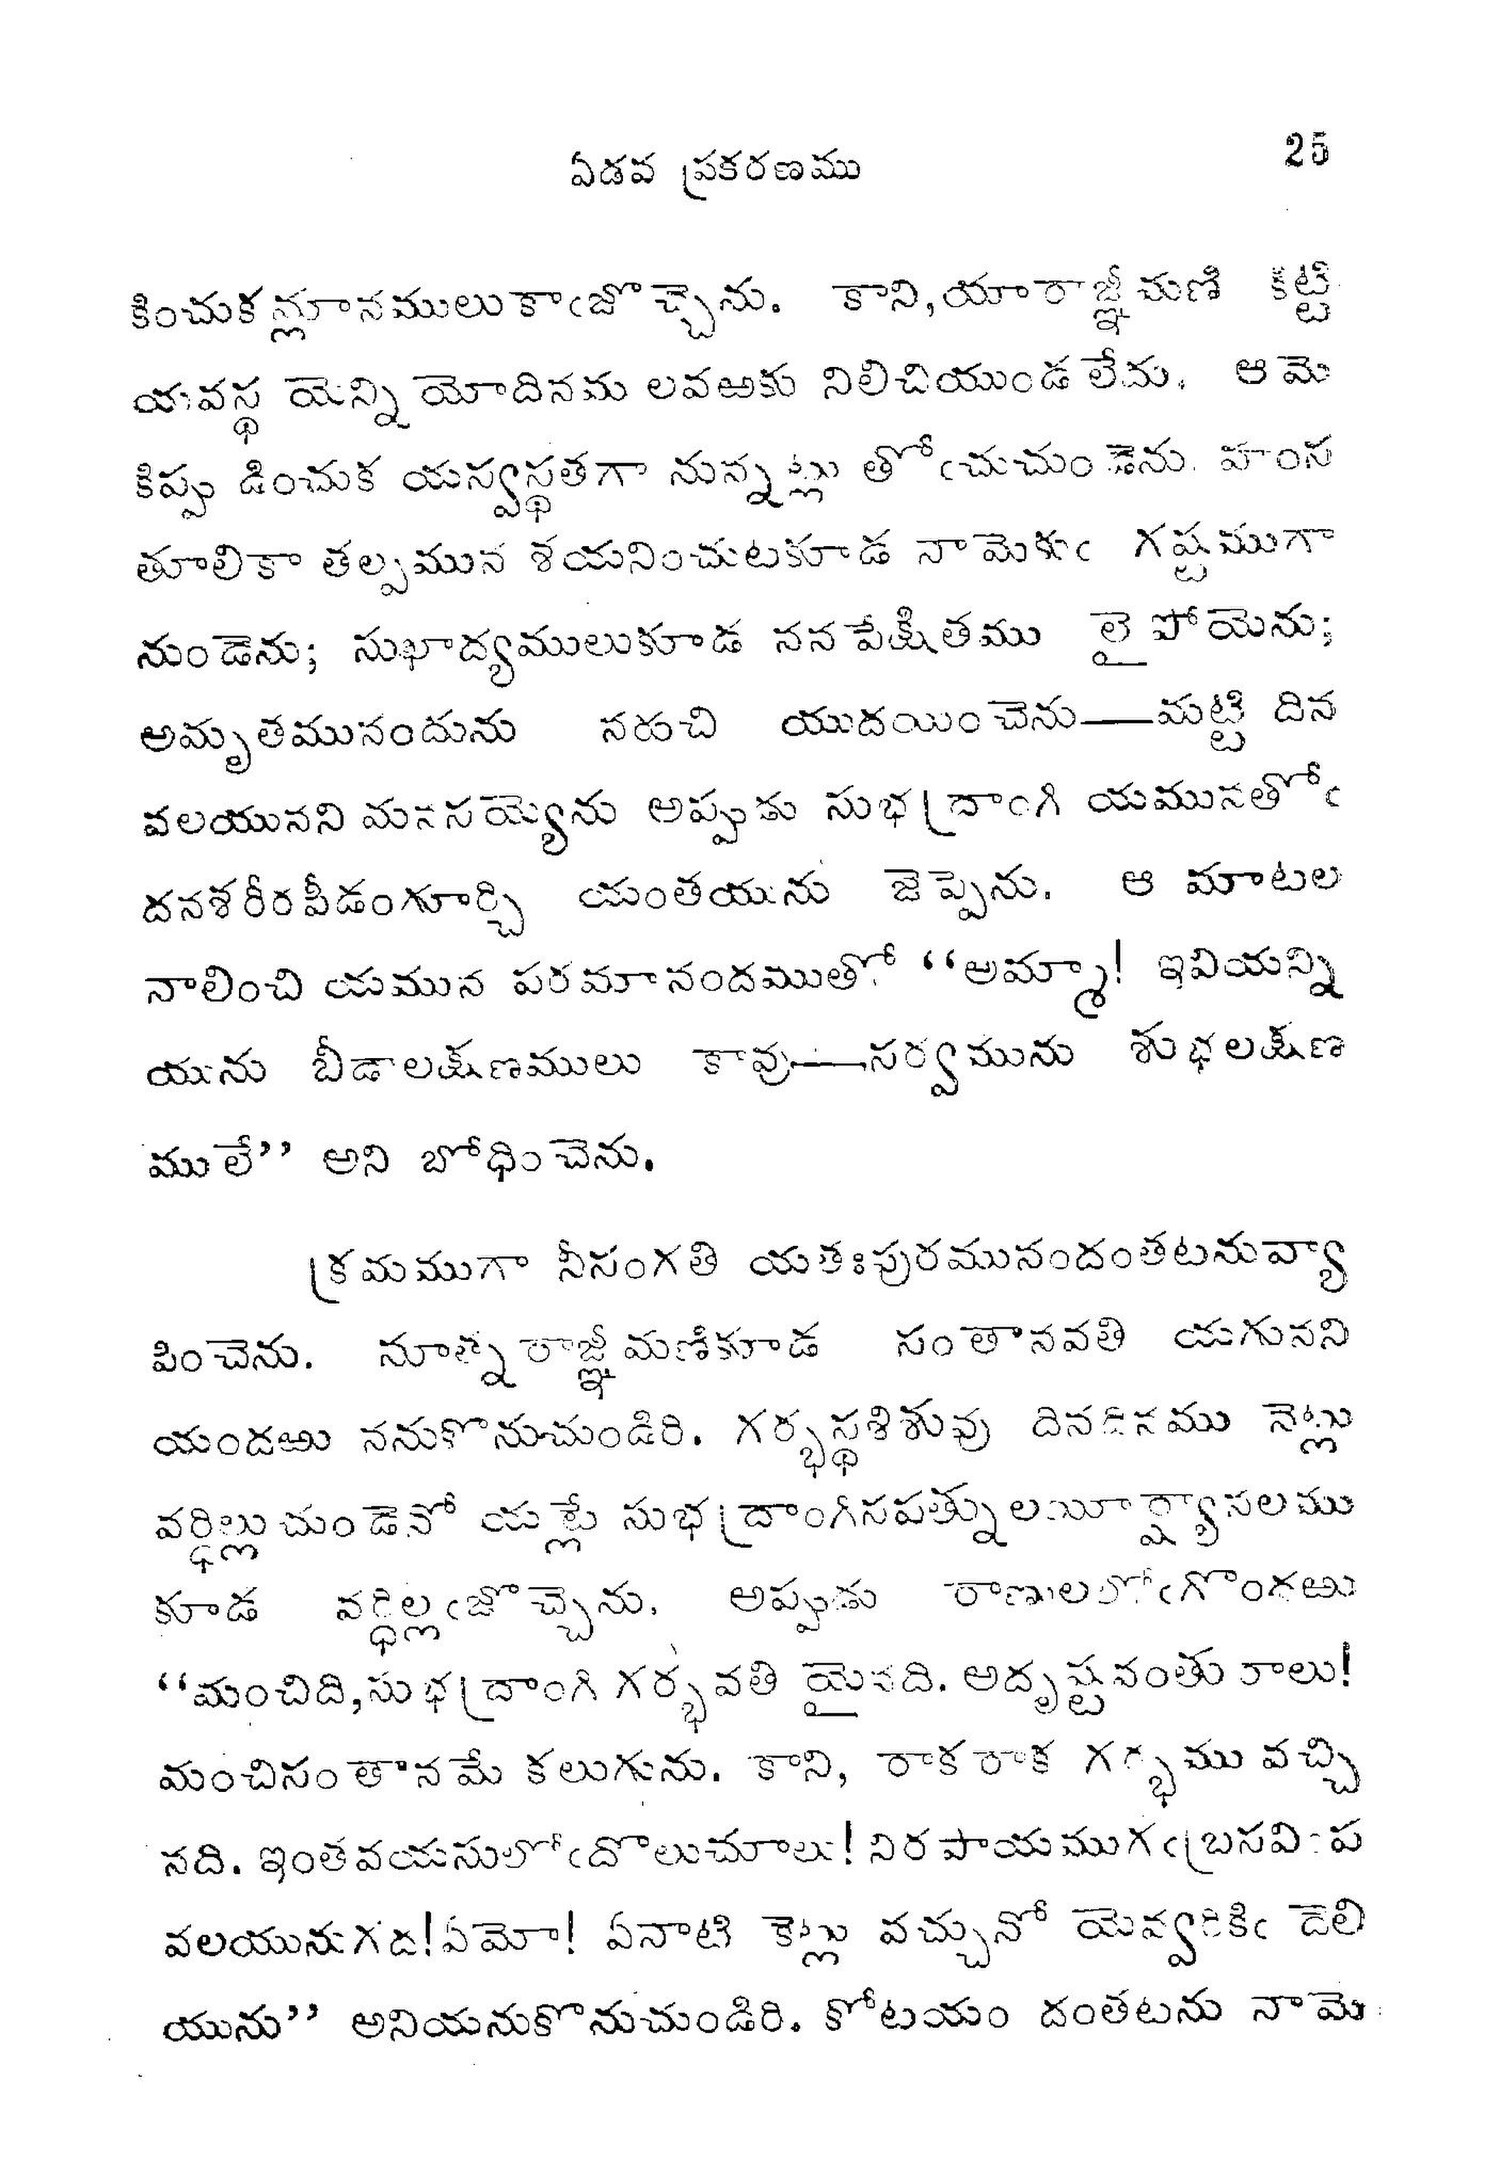కించుకమ్లానములు కాఁజొచ్చెను. కాని, యా రాజ్ఞీ మణి కట్టి యవస్థ యెన్నియోదినమ లవఱకు నిలిచియుండ లేదు. ఆమె కిప్పు డించుక యస్వస్థతగా నున్నట్లు తోచుచుండెను. హంస తూలికా తల్పమున శయనించుటకూడ నామెకుఁ గష్టముగా నుండెను; సుఖాద్యములుకూడ నన పేక్షితము లైపోయెను; అమృతమునందును నరుచి యుదయించెను—మట్టి దిన
వలయునని మనసయ్యెను అప్పుడు సుభద్రాంగి యమునతోఁ దనశరీర పీడం గూర్చి యంతయును జెప్పెను. ఆ మాటల నాలించి యమున పరమానందముతో. “అమ్మా! ఇవియన్నియును బీడా లక్షణములు కావు —— సర్వమును శుభలక్షణములే" అని బోధి చెను.

క్రమముగా నీ సంగతి యతఃపురమునందంతటను వ్యాపించెను. నూత్న రాజ్ఞీ మణి కూడ సంతానవతి యగునని యందఱు ననుకొనుచుండిరి. గర్భస్థ శిశువు దిన దినము నెట్లు
వరిల్లు చుండెనో యట్లే సుభద్రాంగి సపత్నుల యీర్ష్యాసలము కూడ వర్ధిల్లఁ జొచ్చెను. అప్పుడు రాఱులలో గొందఱు “మంచిది, సుభద్రాంగి గర్భవతి యైనది. అదృష్టవంతురాలు!
మంచిసం తాన మే కలుగును. "కాని, రాకరాక గర్భము వచ్చినది. ఇంతవయసులోఁ
దొలుచూలు ! నిరపాయముగఁ బ్రసవిఁప వలయును గద!ఏమో! ఏనాటి కెట్లు వచ్చునో యెవ్వరికిఁ దెలియును” అనియనుకొనుచుండిరి. కోటయం దంతటను నామె